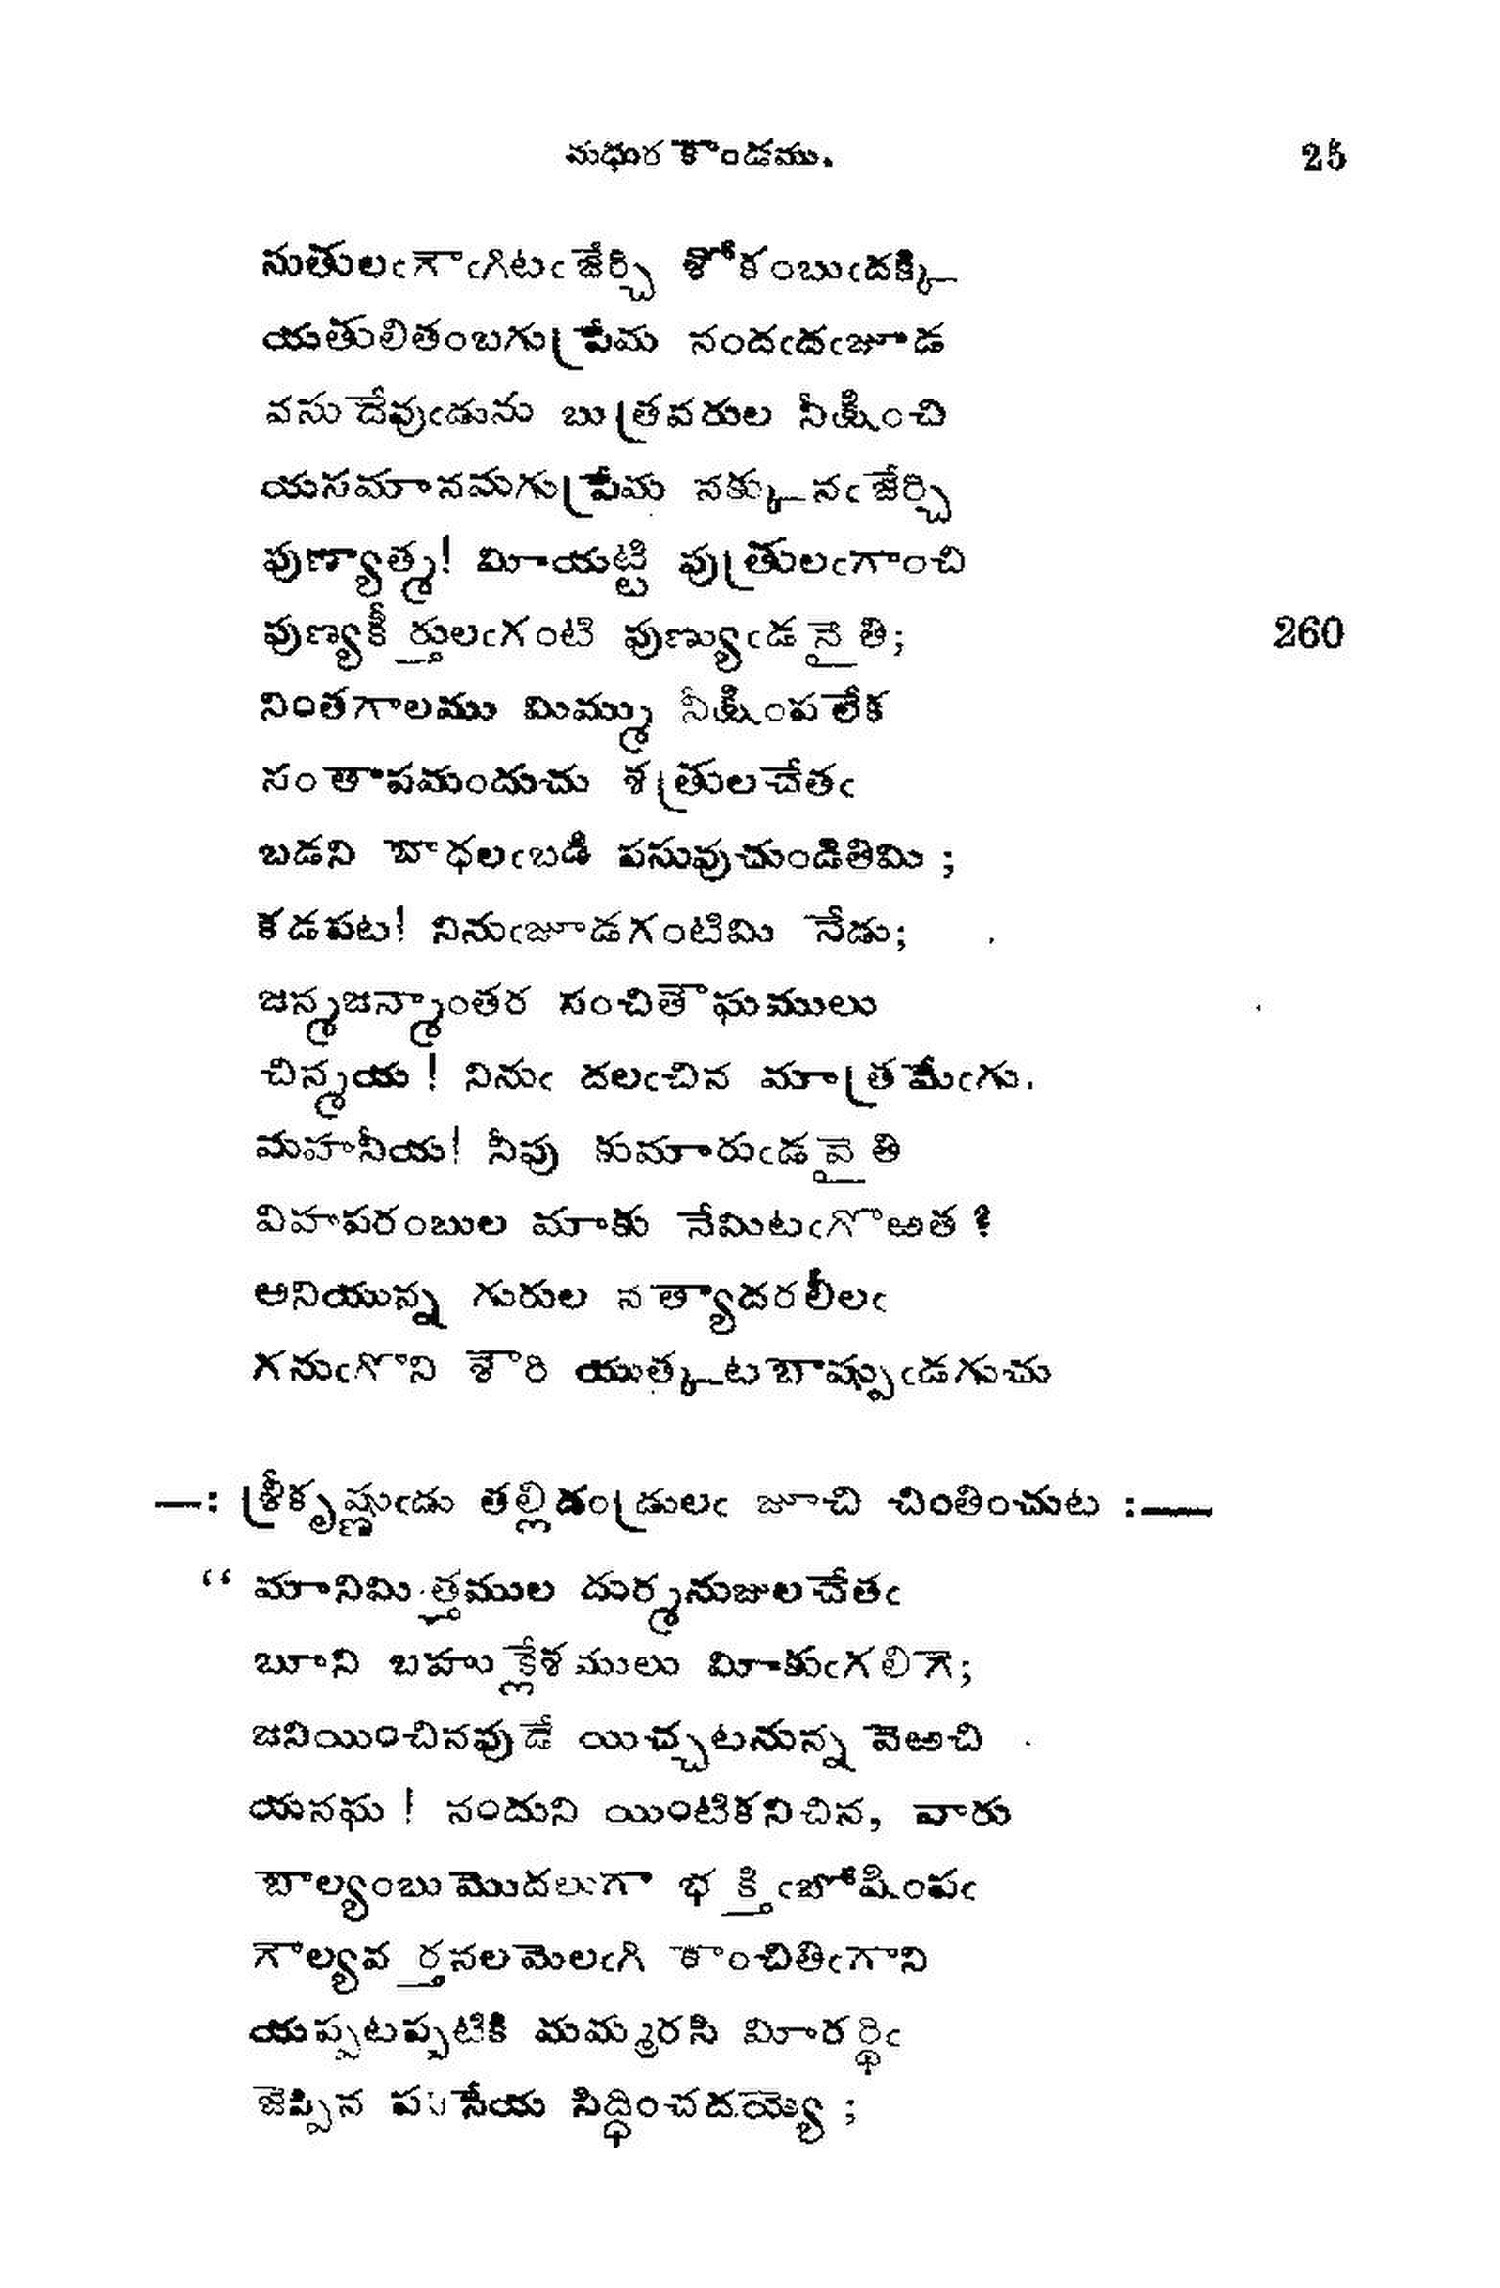సుతులఁ గౌఁగిటఁ జేర్చి శోకంబుఁ దక్కి
యతులితంబగు ప్రేమ నందఁదఁ జూడ
వసుదేవుఁడును బుత్రవరుల నీక్షించి
యసమానమగుప్రేమ నక్కునఁ జేర్చి
“పుణ్యాత్మ! మీయట్టి పుత్రులఁ గాంచి
పుణ్యకీర్తులఁ గంటి పుణ్యుఁడ నైతి;
నింతగాలము మిమ్ము నీక్షింపలేక
సంతాపమందుచు శత్రులచేత
బడని బాధలఁ బడి పసువుచుండితిమి;
కడపట! నినుఁ జూడగంటిమి నేడు;
జన్మజన్మాంతరసంచితౌఘములు
చిన్మయ! నినుఁ దలఁచిన మాత్రమేఁగు.
మహనీయ! నీవు కుమారుఁడ వైతి
విహపరంబుల మాకు నేమిటఁ గొఱత?”
అనియున్న గురుల నత్యాదరలీలఁ
గనుఁగొని శౌరి యుత్కటబాష్పుఁ డగుచు

“మానిమిత్తముల దుర్మనుజులచేతఁ
బూని బహుక్లేశములు మీకుఁ గలిగె;
జనియించినపుడే యిచ్చటనున్న వెఱచి
యనఘ! నందునియింటి కనిచిన, వారు
బాల్యంబు మొదలుగా భక్తిఁ బోషింపఁ
గౌల్యవర్తనల మెలఁగి కాంచితిఁ గాని
యప్పటప్పటికి మమ్మరసి మీ రర్ధిఁ
జెప్పిన పనిసేయ సిద్ధించదయ్యె;